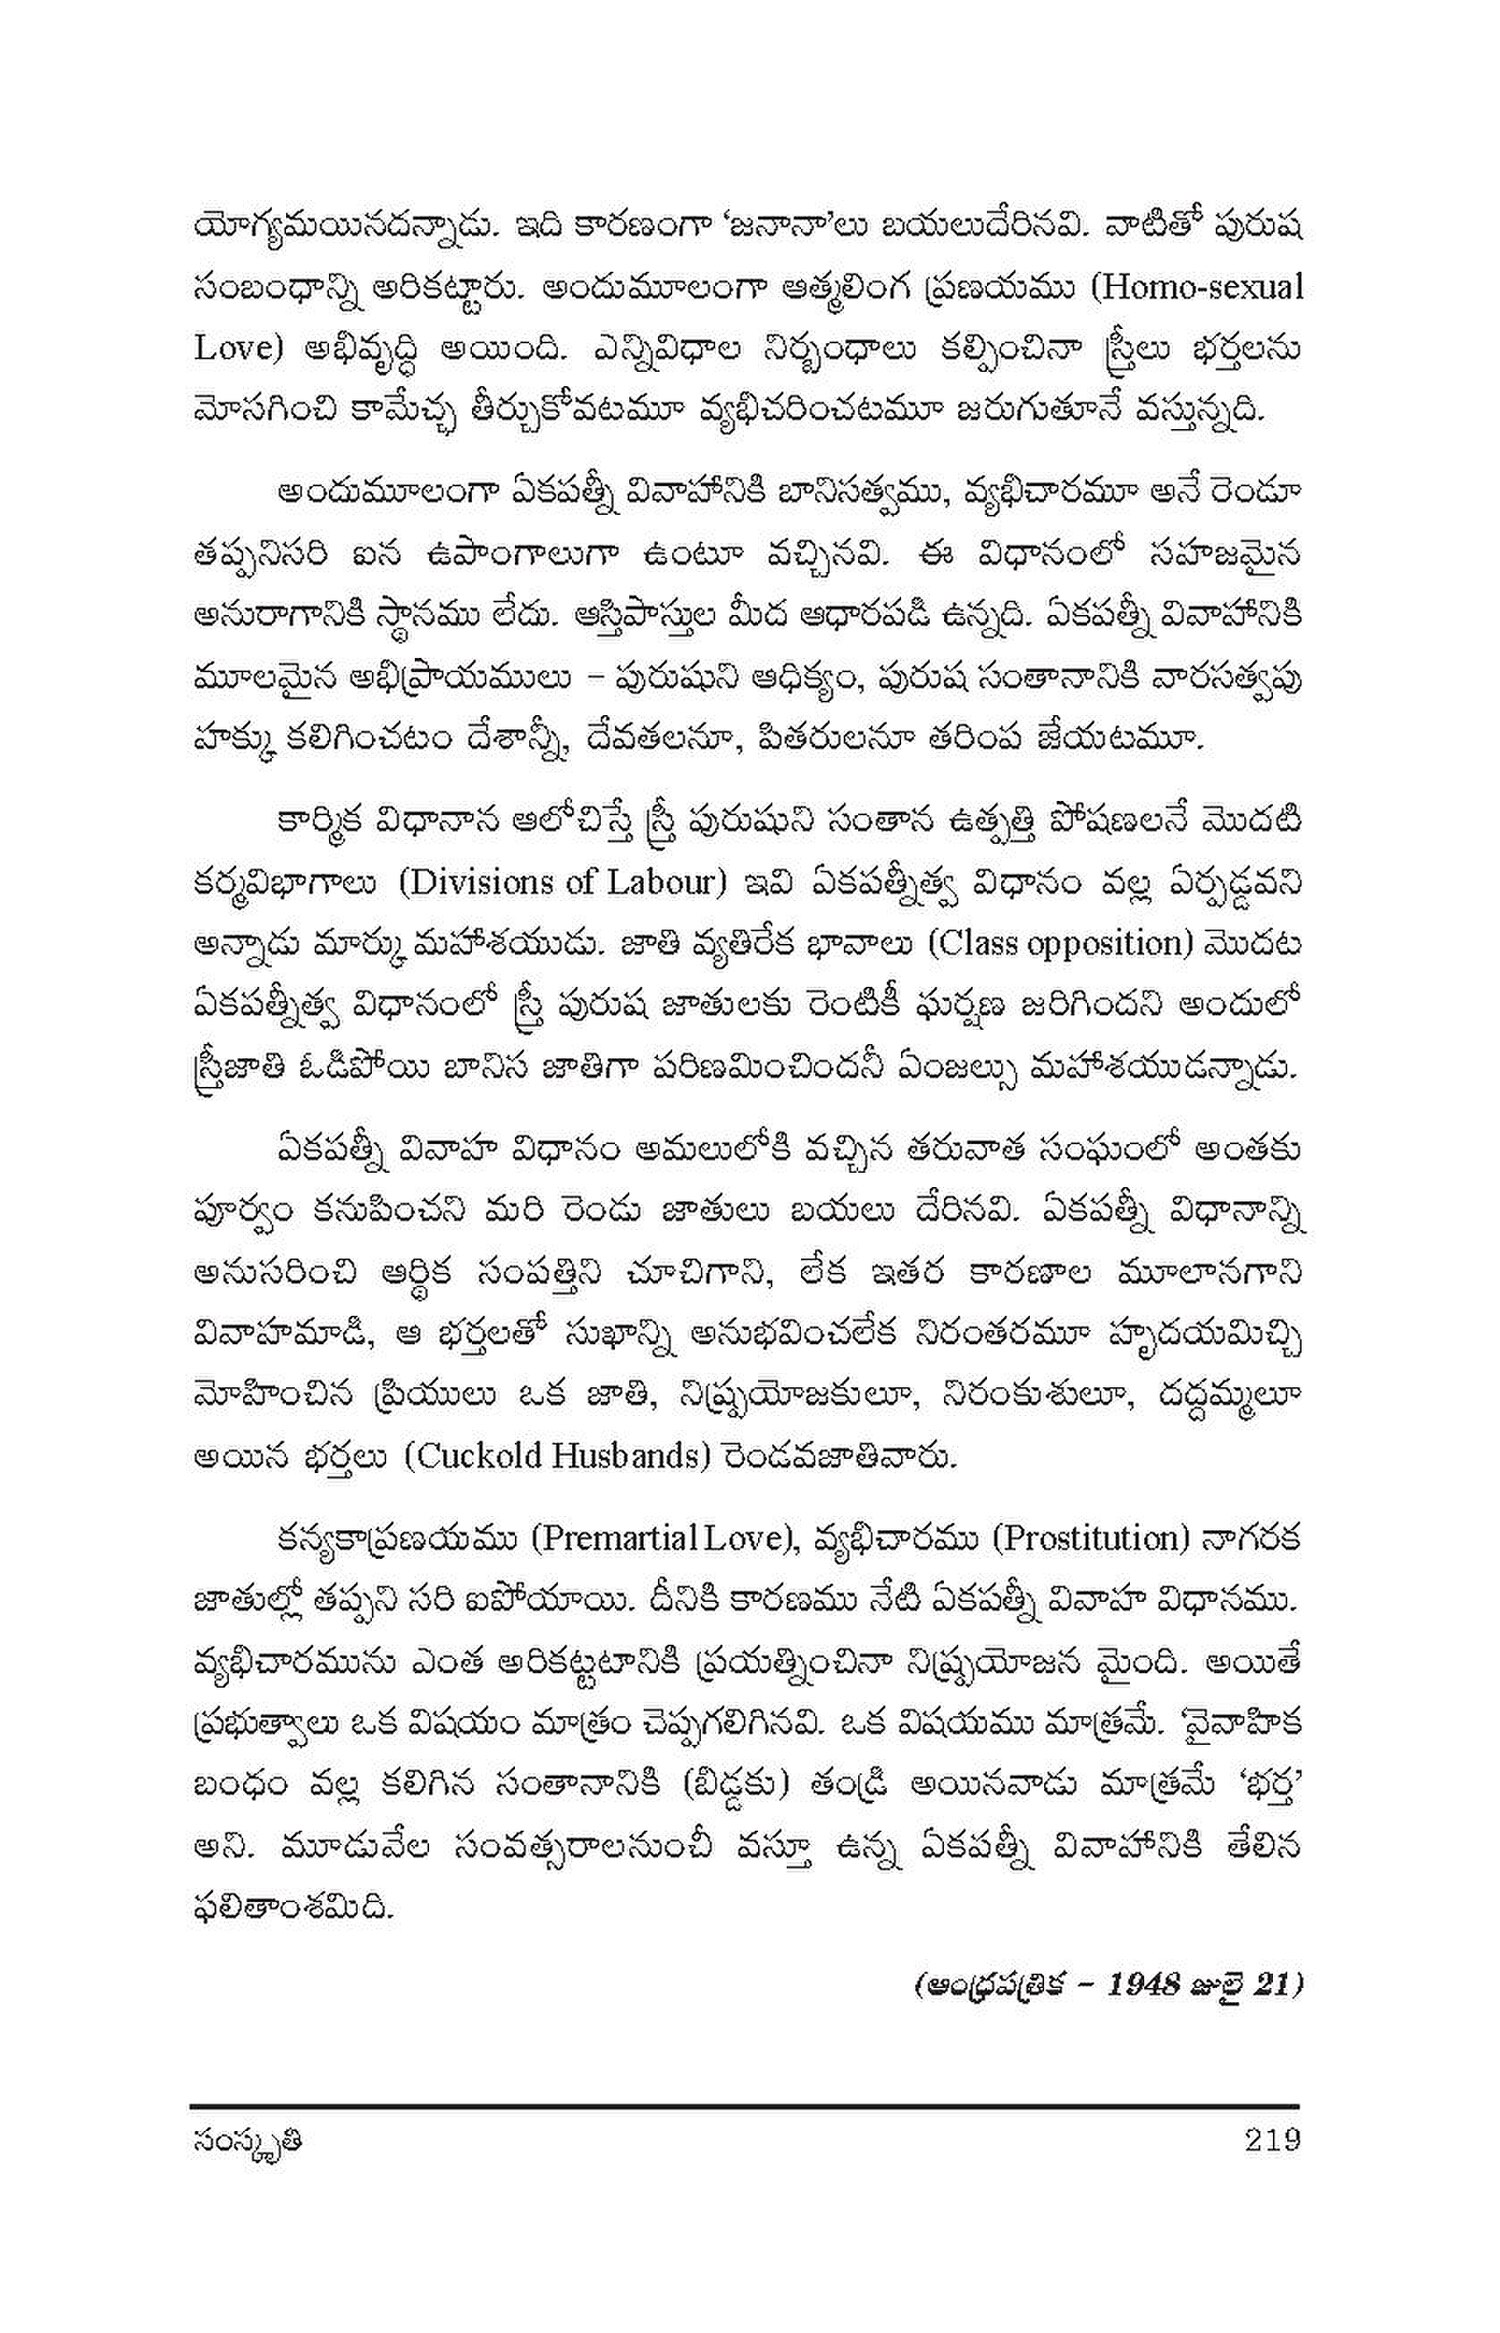యోగ్యమయినదన్నాడు. ఇది కారణంగా 'జనానా'లు బయలుదేరినవి. వాటితో పురుష
సంబంధాన్ని అరికట్టారు. అందుమూలంగా ఆత్మలింగ ప్రణయము (Homo-sexual
Love) అభివృద్ధి అయింది. ఎన్నివిధాల నిర్బంధాలు కల్పించినా స్త్రీలు భర్తలను
మోసగించి కామేచ్ఛ తీర్చుకోవటమూ వ్యభిచరించటమూ జరుగుతూనే వస్తున్నది.

అందుమూలంగా ఏకపత్నీ వివాహానికి బానిసత్వము, వ్యభిచారమూ అనే రెండూ
తప్పనిసరి ఐన ఉపాంగాలుగా ఉంటూ వచ్చినవి. ఈ విధానంలో సహజమైన
అనురాగానికి స్థానము లేదు. ఆస్తిపాస్తుల మీద ఆధారపడి ఉన్నది. ఏకపత్నీ వివాహానికి
మూలమైన అభిప్రాయములు - పురుషుని ఆధిక్యం, పురుష సంతానానికి వారసత్వపు
హక్కు కలిగించటం దేశాన్నీ, దేవతలనూ, పితరులనూ తరింప జేయటమూ.

కార్మిక విధానాన ఆలోచిస్తే స్త్రీ పురుషుని సంతాన ఉత్పత్తి పోషణలనే మొదటి
కర్మవిభాగాలు (Divisions of Labour) ఇవి ఏకపత్నీత్వ విధానం వల్ల ఏర్పడ్డవని
అన్నాడు మార్కు మహాశయుడు. జాతి వ్యతిరేక భావాలు (Class opposition) మొదట
ఏకపత్నీత్వ విధానంలో స్త్రీ పురుష జాతులకు రెంటికీ ఘర్షణ జరిగిందని అందులో
స్త్రీజాతి ఓడిపోయి బానిస జాతిగా పరిణమించిందనీ ఏంజల్సు మహాశయుడన్నాడు.

ఏకపత్నీ వివాహ విధానం అమలులోకి వచ్చిన తరువాత సంఘంలో అంతకు
పూర్వం కనుపించని మరి రెండు జాతులు బయలు దేరినవి. ఏకపత్నీ విధానాన్ని
అనుసరించి ఆర్థిక సంపత్తిని చూచిగాని, లేక ఇతర కారణాల మూలానగాని
వివాహమాడి, ఆ భర్తలతో సుఖాన్ని అనుభవించలేక నిరంతరమూ హృదయమిచ్చి
మోహించిన ప్రియులు ఒక జాతి, నిష్ప్రయోజకులూ, నిరంకుశులూ, దద్దమ్మలూ
అయిన భర్తలు (Cuckold Husbands) రెండవజాతివారు.

కన్యకాప్రణయము (Premartial Love), వ్యభిచారము (Prostitution) నాగరక
జాతుల్లో తప్పని సరి ఐపోయాయి. దీనికి కారణము నేటి ఏకపత్నీ వివాహ విధానము.
వ్యభిచారమును ఎంత అరికట్టటానికి ప్రయత్నించినా నిష్ప్రయోజన మైంది. అయితే
ప్రభుత్వాలు ఒక విషయం మాత్రం చెప్పగలిగినవి. ఒక విషయము మాత్రమే. 'వైవాహిక
బంధం వల్ల కలిగిన సంతానానికి (బిడ్డకు) తండ్రి అయినవాడు మాత్రమే 'భర్త'
అని. మూడువేల సంవత్సరాలనుంచీ వస్తూ ఉన్న ఏకపత్నీ వివాహానికి తేలిన
ఫలితాంశమిది.